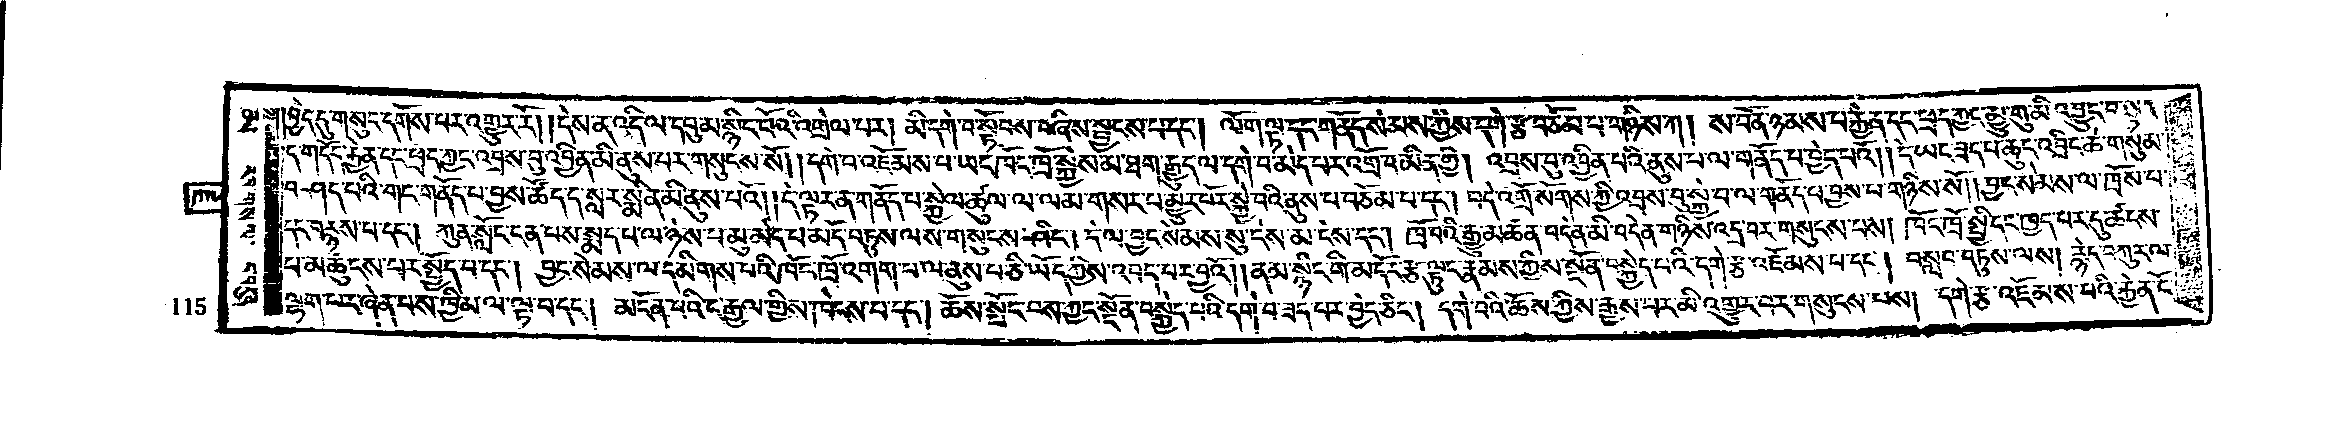༄༅། །བྱེད་དུ་གསུང་དགོས་པར་འགྱུར་རོ། །དེས་ན་འདི་ལ་དབུ་མ་སྙིང་པོའི་འགྲེལ་པར། མི་དགེ་བ་སྟོབས་བཞིས་སྦྱངས་པ་དང་། ལོག་ལྟ་དང་གནོད་སེམས་ཀྱིས་དགེ་རྩ་བཅོམ་པ་གཉིས་ཀ། ས་བོན་ཉམས་པ་རྐྱེན་དང་ཕྲད་ཀྱང་མྱུ་གུ་མི་འབྱུང་བ་ལྟར།
ད་གདོད་རྐྱེན་དང་ཕྲད་ཀྱང་འབྲས་བུ་འབྱིན་མི་ནུས་པར་གསུངས་སོ། །དགེ་བ་འཇོམས་པ་ཡང་ཁོང་ཁྲོ་སྐྱེས་མ་ཐག་རྒྱུད་ལ་དགེ་བ་མེད་པར་འགྲོ་བ་མིན་གྱི། འབྲས་བུ་འབྱིན་པའི་ནུས་པ་ལ་གནོད་པ་བྱེད་པའོ། །དེ་ཡང་ཟད་པ་ཆུང་འབྲིང་ཆེ་གསུམ་
བཤད་པའི་གང་གནོད་པ་བྱས་ཚོད་དེ་སླར་སྔོན་མི་ནུས་པའོ། །དེ་ལྟར་ན་གནོད་པ་སྐྱེལ་ཚུལ་ལ་ལམ་གསར་པ་མྱུར་པོར་སྐྱེ་བའི་ནུས་པ་བཅོམ་པ་དང་། བདེ་འགྲོ་སོགས་ཀྱི་འབྲས་བུ་སྐྱེ་བ་ལ་གནོད་པ་བྱས་པ་གཉིས་སོ། །བྱང་སེམས་ལ་ཁྲོས་པ་
དང་བརྙས་པ་དང་། ཀུན་སློང་ངན་པས་སྨད་པ་ལ་ཉེས་པ་མུ་མེད་པ་མདོ་བཏུས་ལས་གསུངས་ཤིང་། དེ་ལ་བྱང་སེམས་སུ་ངེས་མ་ངེས་དང་། ཁྲོ་བའི་རྒྱུ་མཚན་བདེན་མི་བདེན་གཉིས་འདྲ་བར་གསུངས་པས། ཁོང་ཁྲོ་སྤྱི་དང་ཁྱད་པར་དུ་ཚངས་
པ་མཚུངས་པར་སྤྱོད་པ་དང་། བྱང་སེམས་ལ་དམིགས་པའི་ཁོང་ཁྲོ་འགོག་པ་ལ་ནུས་པ་ཅི་ཡོད་ཀྱིས་འབད་པར་བྱའོ། །ནམ་སྙིང་གི་མདོར་རྩ་ལྟུང་རྣམས་ཀྱིས་སྔོན་བསྐྱེད་པའི་དགེ་རྩ་འཇོམས་པ་དང་། བསླབ་བཏུས་ལས། རྙེད་བཀུར་ལ་
ལྷག་པར་ཞེན་པས་ཁྱིམ་ལ་ལྟ་བ་དང་། མངོན་པའི་ང་རྒྱལ་གྱིས་ཁེངས་པ་དང་ཆོས་སྤོང་བས་ཀྱང་སྔོན་བསྐྱེད་པའི་དགེ་བ་ཟད་པར་བྱེད་ཅིང་། དགེ་བའི་ཆོས་ཀྱིས་རྒྱས་པར་མི་འགྱུར་བར་གསུངས་པས། དགེ་རྩ་འཇོམས་པའི་རྐྱེན་ངོ་